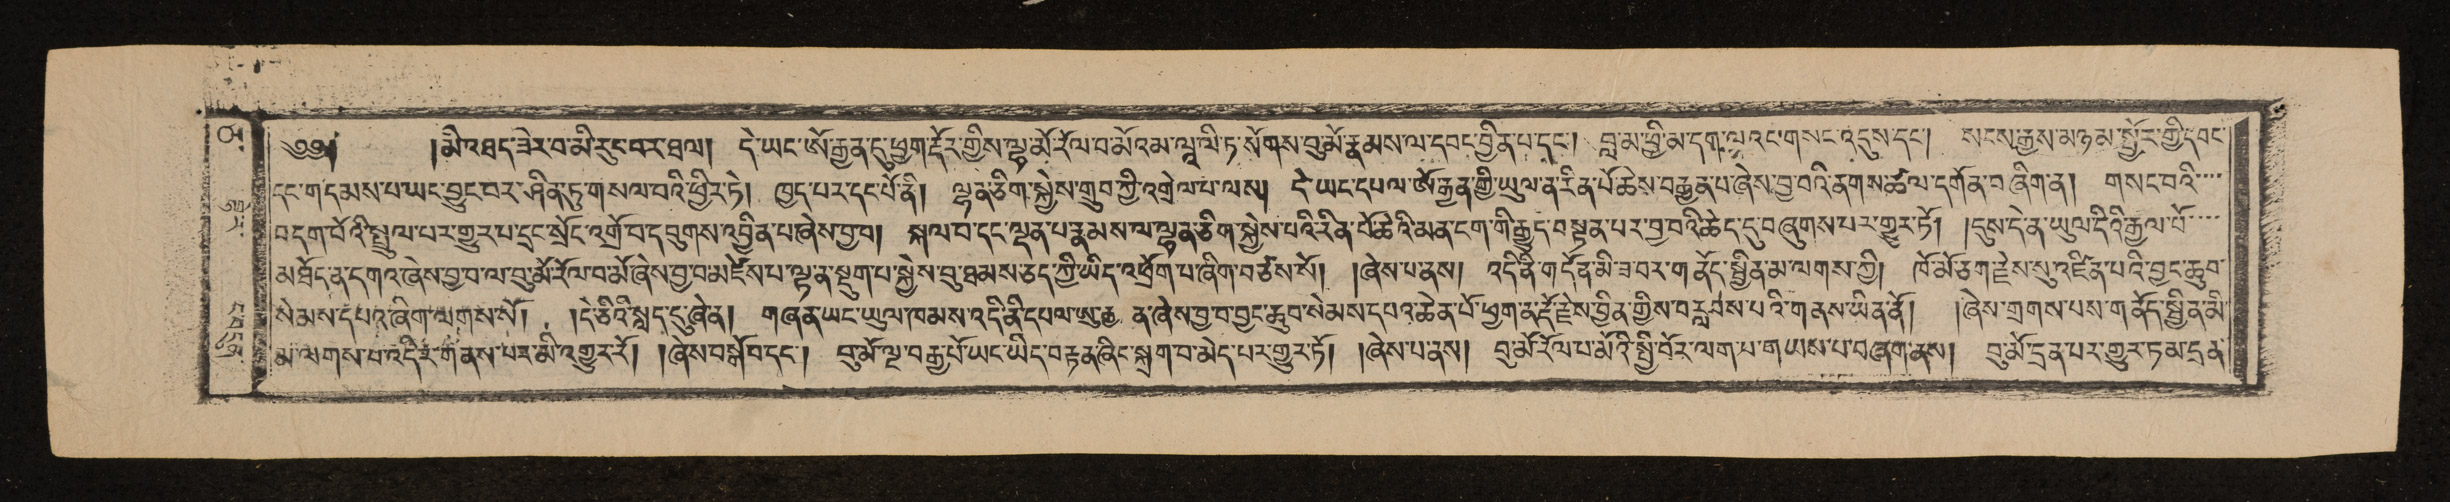༄༅། །མི་འཐད་ཟེར་བ་མི་རུང་བར་ཐལ། དེ་ཡང་ཨོ་རྒྱན་དུ་ཕྱག་རྡོར་གྱིས་ལྷ་མོ་རོལ་པ་མོའམ་ལཱ་ལི་ཏ་སོགས་བུ་མོ་རྣམས་ལ་དབང་བྱིན་པ་དང་། བླ་མ་ཕྱི་མདག་ལའང་གསང་འདུས་དང་། སངས་རྒྱས་མཉམ་སྦྱོར་གྱི་དབང་
དང་གདམས་པ་ཡང་བྱུང་བར་ཤིན་ཏུ་གསལ་བའི་ཕྱིར་ཏེ། ཁྱད་པར་དང་པོ་ནི། ལྷན་ཅིག་སྐྱེས་གྲུབ་ཀྱི་འགྲེལ་པ་ལས། དེ་ཡང་དཔལ་ཨོ་རྒྱན་གྱི་ཡུལ་ན་རིན་པོ་ཆེས་བརྒྱན་བ་ཞེས་བྱ་བའི་ནགས་ཚལ་དགོན་པ་ཞིག་ན། གསང་བའི་
བདག་པོའི་སྤྲུལ་པར་གྱུར་པ་དྲང་སྲོང་འགྲོ་བ་དབུགས་འབྱིན་པ་ཞེས་བྱ་བ། སྐལ་བ་དང་ལྡན་པ་རྣམས་ལ་ལྷན་ཅིག་སྐྱེས་པའི་རིན་པོ་ཆེའི་མན་ངག་གི་རྒྱུད་བསྟན་པར་བྱ་བའི་ཆེད་དུ་བཞུགས་པར་གྱུར་ཏོ། །དུས་དེ་ན་ཡུལ་དེའི་རྒྱལ་པོ་
མཐོང་ན་དགའ་ཞེས་བྱ་བ་ལ་བུ་མོ་རོལ་པ་མོ་ཞེས་བྱ་བ་མཛེས་པ་ལྟ་ན་སྡུག་པ་སྐྱེས་བུ་ཐམས་ཅད་ཀྱི་ཡིད་འཕྲོག་པ་ཞིག་བཙས་སོ། །ཞེས་པ་ནས། འདི་ནི་གདོན་མི་ཟ་བར་གནོད་སྦྱིན་མ་ལགས་ཀྱི། ཁོ་མོ་ཅག་རྗེས་སུ་འཛིན་པའི་བྱང་ཆུབ་
སེམས་དཔའ་ཞིག་ལགས་སོ། །དེ་ཅིའི་སླད་དུ་ཞེ་ན། གཞན་ཡང་ཡུལ་ཁམས་འདི་ནི་དཔལ་ཨུ་རྒྱན་ཞེས་བྱ་བ་བྱང་ཆུབ་སེམས་དཔའ་ཆེན་པོ་ཕྱག་ན་རྡོ་རྗེས་བྱིན་གྱིས་བརླབས་པའི་གནས་ཡིན་ནོ། །ཞེས་གྲགས་པས་གནོད་སྦྱིན་མི་
མ་ལགས་པ་འདིར་གནས་པར་མི་འགྱུར་རོ། །ཞེས་བསྒོ་བ་དང་། བུ་མོ་ལྔ་བརྒྱ་པོ་ཡང་ཡིད་བརྟན་ཞིང་སྐྲག་པ་མེད་པར་གྱུར་ཏོ། །ཞེས་པ་ནས། བུ་མོ་རོལ་པ་མོའི་སྤྱི་བོར་ལག་པ་གཡས་པ་བཞག་ནས། བུ་མོ་དྲན་པར་གྱུར་ཏམ་དྲན་